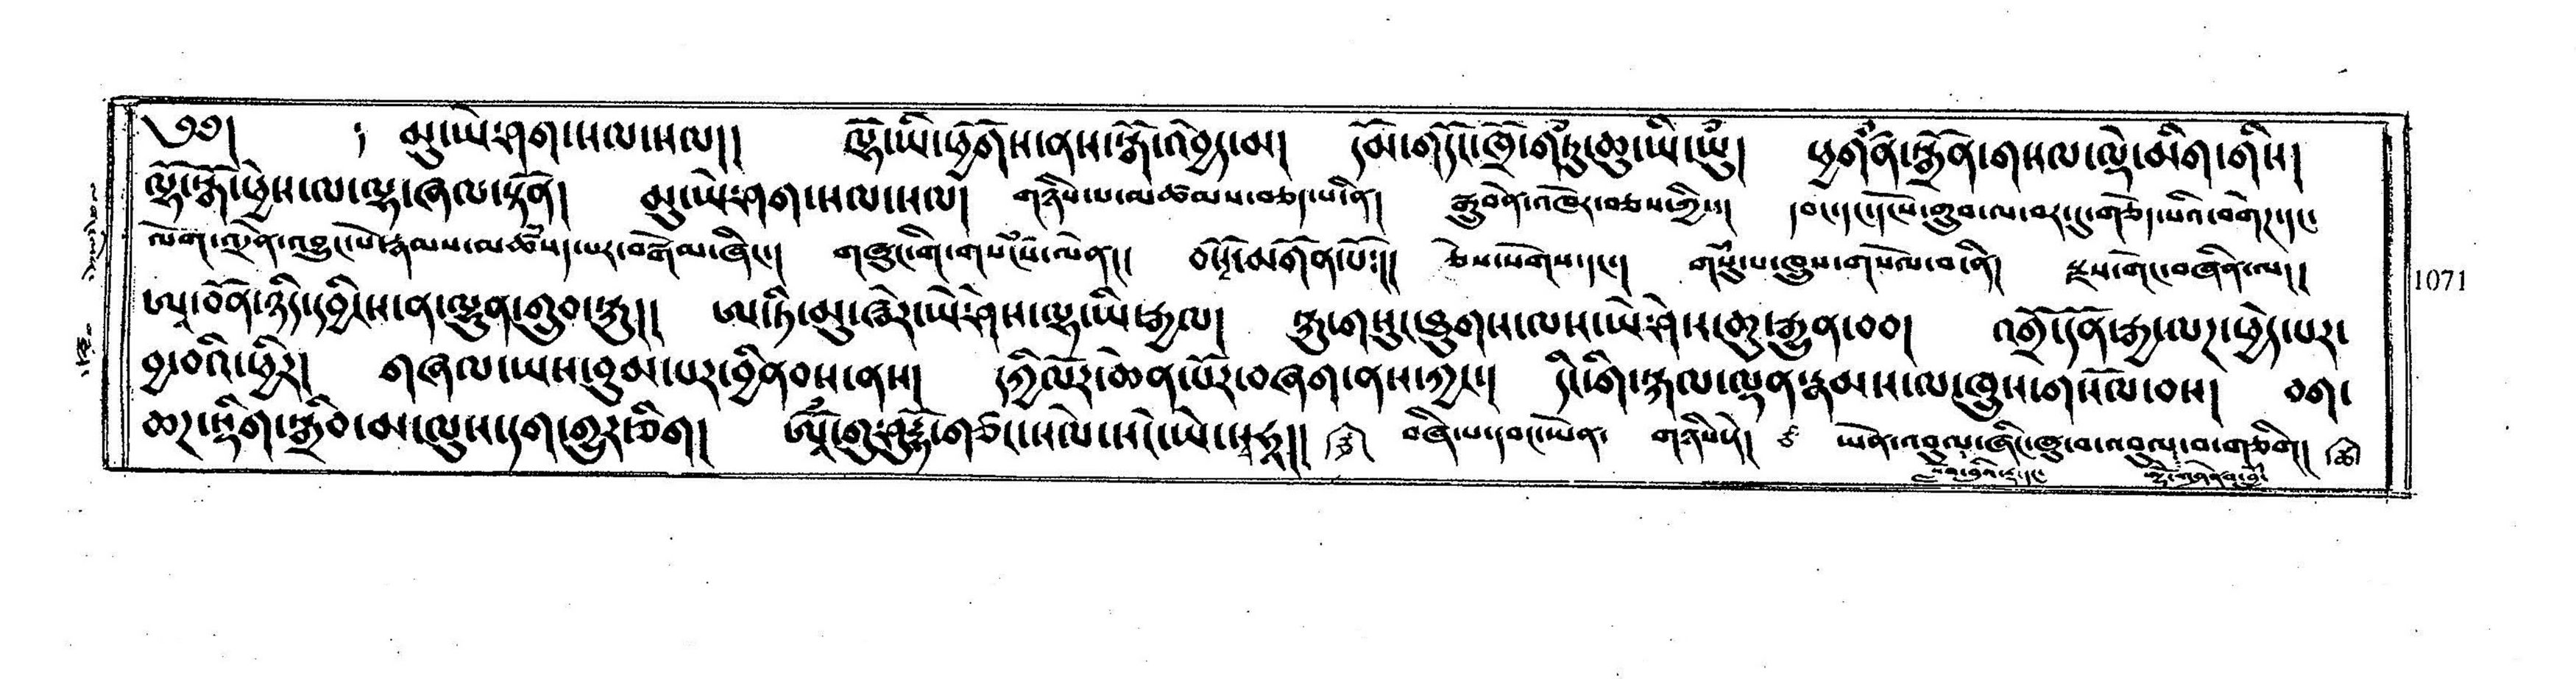མུ་ཡེ་ཤག་སལ་སལ།། ལྷོ་ཡི་ཕྱོགས་ནས་སྒོ་འབྱེད་མ། དོམ་གདོང་ཁྲོ་གཏུམ་ཆུ་ཡི་ཡུམ། ཕྱག་མཚན་སྒྲོན་གསལ་ལྡེ་མིག་གིས། 
ལྷོ་སྒོ་ཕྱེས་ལ་ལྷ་ཞལ་སྟོན། མུ་ཡེ་ཤག་སལ་སལ། གཉིས་པ་མཚམས་བཅད་པ་ནི། སྒྲུབ་གཤེན་འཁོར་བཅས་ཀྱིས། དབང་དང་དངོས་གྲུབ་ལ་བར་དུ་གཅོད་པའི་བགེགས་དང་
ལོག་འདྲེན་འབྱུང་པོ་རྣམས་མཚམས་བཅད་པར་བསྒོམ་ཞིང་། གཞུང་གི་གསང་མཚམས༹་ལེན།། བསྭོ་མགོན་པོ༴།། ཅེས་སོགས་དང་། གསུམ་པ་ཁྲུས་གསོལ་བ་ནི། རྫས་གོང་བཞིན་ལ།། 
ཨཱ་བོན་ཉིད་དབྱིངས་ན་ལྷུན་གྲུབ་སྐུ།། ཨ་ཏི་མུ་ཝེར་ཡེ་ཤེས་ལྷ་ཡི་རྒྱལ། སྐུ་གསུང་ཐུགས་ལས་ཡེ་ཤེས་ཆུ་རྒྱུན་བབ། འགྲོ་དོན་རྒྱ་ལགས་ཕྱེད་པར་
བྱ་བའི་ཕྱིར། གཞལ་ཡས་བུམ་པར་བྱིན་རླབས་ནས། དཀྱིལ་འཁོར་ཆེན་པོར་བཞག་ནས་ཀྱང་། དིང་གི་སྐལ་ལྡན་རྣམས་ལ་ཁྲུས་གསོལ་བས། བག་
ཆགས་སྡིག་སྒྲིབ་མ་ལུས་དག་གྱུར་ཅིག ཨཱོཾ་གུ་ཤུདྷོ་གཙང་སལེ་སངེ་ཡེ་སྭཧཱ།། ༼ཙ༽བཞི་པ་དབང་ཡོན་གཉིས་ཏེ། ཙ ཡོན་འབུལ་སློབ་བུའི་རྟ་དང་ཞིང་ཞུ་བ་འབུལ་ཨེ་མ་ཧོ་གཤེན་རབ་བླ་མ་བ་གཅིག ༼ཚ༽